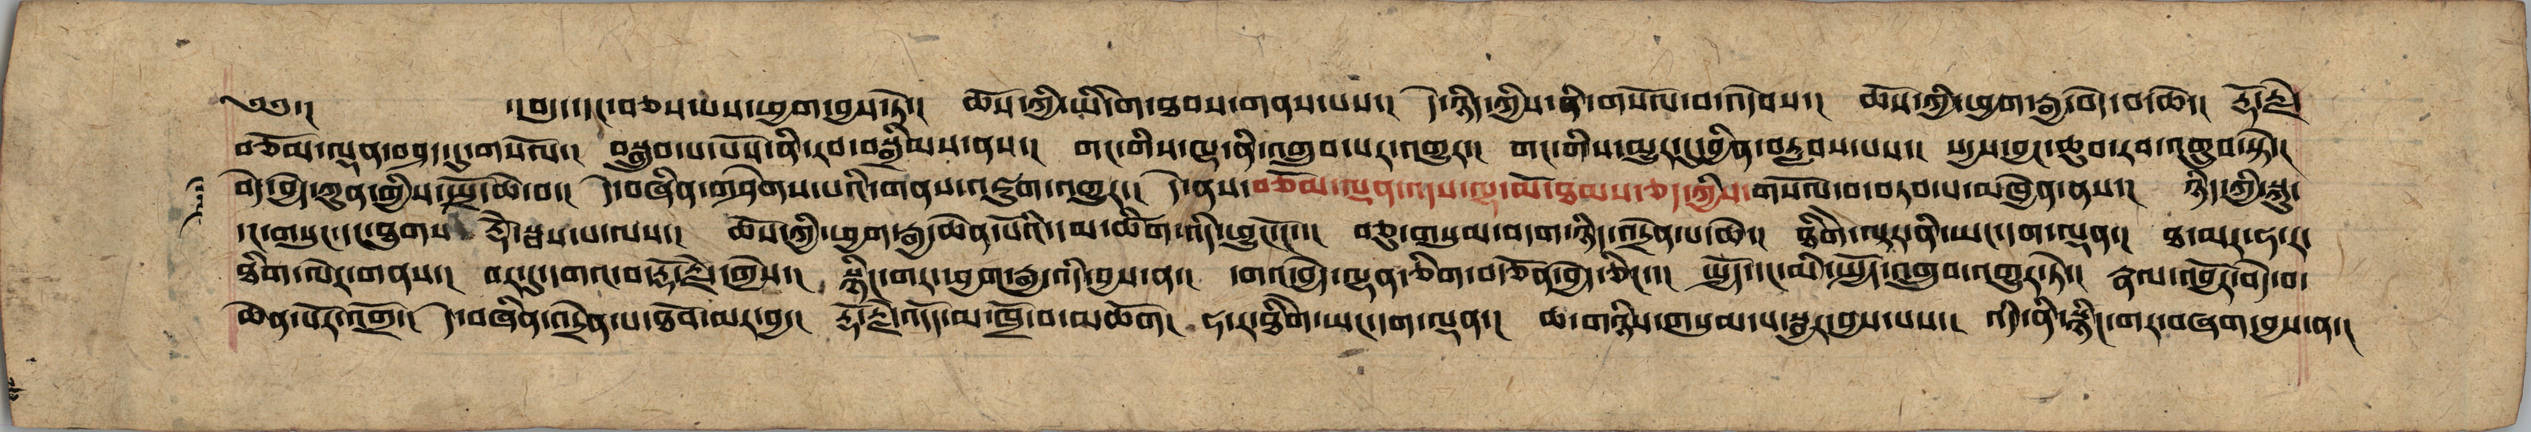༄༅་། ་།བདུད་དང་བཅས་པས་ཕྱག་བྱས་ཏེ་། ཆོས་ཀྱི་ཡི་གེ་ཐབས་གནས་པས་། དེ་ཉིད་ཀྱིས་ནི་གསོལ་བ་འདེབས་། ཆོས་ཀྱི་ཕྱག་རྒྱ་བདེ་བ་ཆེ་། རྡོ་རྗེ་
བཅོམ་ལྡན་བཤད་དུ་གསོལ་། བསྒྲུབ་པ་པོས་ནི་རབ་བསྒྲིམས་ནས་། གང་གིས་ལྷ་ནི་འགྲུབ་པར་འགྱུར་། གང་གིས་མྱུར་དུ་བྱིན་བརླབས་པས་། སདྱས་བྱང་ཆུབ་རབ་འགྲུབ་སྟེ་།
བདེ་བྱེད་ཀུན་གྱིས་སྤྲོ་ཆེ་བ་། དེ་བཞིན་གཤེགས་པའི་གནས་འཇུག་འགྱུར་། དེ་ནས་བཅོམ་ལྡན་འདས་ལྷ་མོ་ཐམས་ཅད་ཀྱིས་གསོལ་བ་བཏབ་པ་མཁྱེན་ནས་། ཉིད་ཀྱི་སྐུ་
དང་གསུང་དང་ཐུགས་རྡོེ་སྦས་པ་ལས་། ཆོས་ཀྱི་ཕྱག་རྒྱ་ཆེན་པོའི་དམ་ཚིག་འདི་ཕྱུང་ངོ་་། བཅུ་གསུམ་བདག་ཉིད་འདྲེན་པ་ཆེ་། ཐིགེ་ལྟར་ནི་ཡང་དག་ལྡན་། ཐ་མར་ཧ་ར་
ཐིག་ལེར་གནས་། བར་དུ་དགའ་བ་རྡོ་རྗེ་དགྱེས་། སྙིང་གར་ཕྱག་རྒྱ་འདི་བྱས་ན་། དགའ་བྱེད་ལྷན་ཅིག་བརྩོན་བྱེད་ཅིངད་། སྤྱོད་དང་མི་སྤྱོད་འགྲུབ་འགྱུར་ཏེ་། རྣལ་འབྱོར་བདེ་བ་
ཆེན་པོར་འགྲོ་། དེ་བཞིན་འདྲེན་པ་ཐོབ་མར་བྱ་། རྡོ་རྗེ་འདོད་མ་ཁྲོ་བ་མཆོག། ཧ་ར་ཐིགེ་ཡང་དག་ལྡན་། ཆ་གཉིས་གསུམ་པ་སྦྱར་བྱས་པས་། འདི་ནི་སྙིང་གར་བཞག་བྱས་ན་།